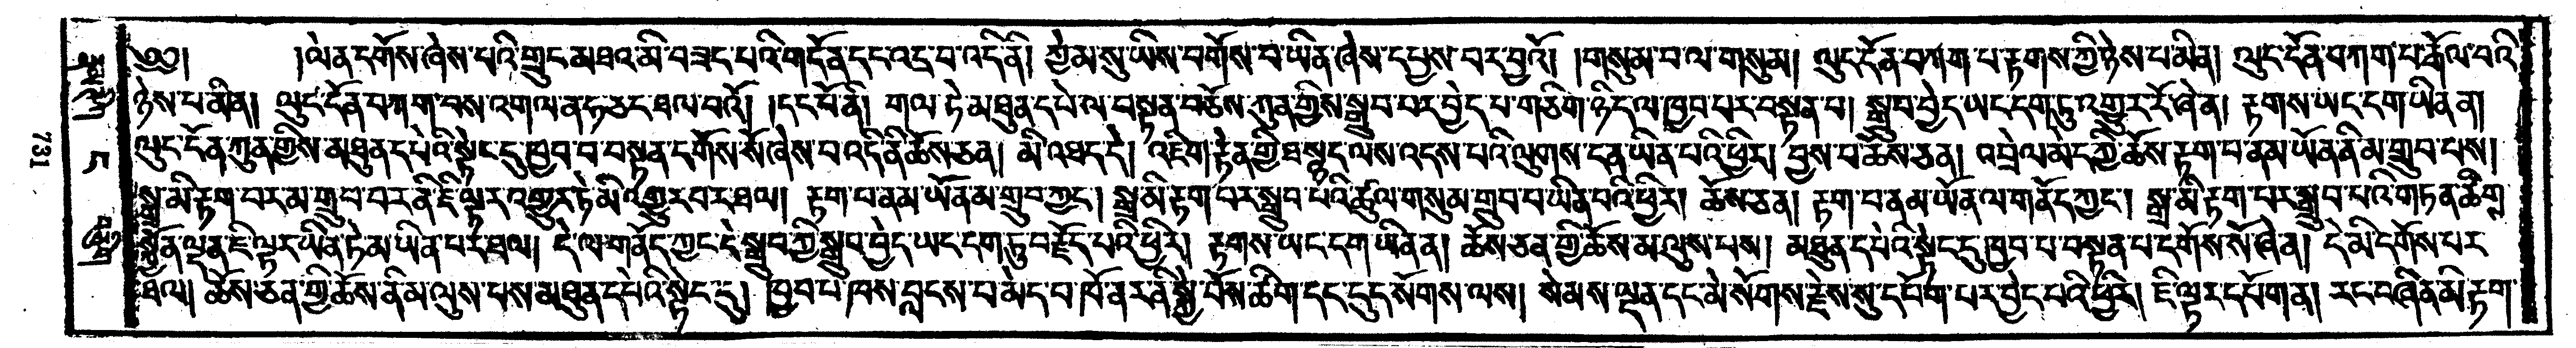༄༅། །ལེན་དགོས་ཞེས་པའི་གྲུང་མཐའ་མི་བཟད་པའི་གདོན་དང་འདྲ་བ་འདི་ནི། ཀྱེ་མ་སུ་ཡིས་བགོས་བ་ཡིན་ཞེས་དཔྱས་བར་བྱའོ། །གསུམ་བ་ལ་གསུམ། ལུང་དོན་བཀག་པ་རྟགས་ཀྱི་ཉེས་པ་མིན། ལུང་དོན་བཀག་པ་རྒོལ་བའི་
ཉེས་པ་མིན། ལུང་དོན་བཀག་བས་འགལ་ན་ཧ་ཅང་ཐལ་བའོ། །དང་པོ་ནི། གལ་ཏེ་མཐུན་དཔེ་ལ་བསྟན་བཅོས་ཀུན་གྱིས་སྒྲུབ་བར་བྱེད་པ་གཅིག་ཉིད་ལ་ཁྱབ་པར་བསྟན་པ། སྒྲུབ་བྱེད་ཡང་དག་ཏུ་འགྱུར་རོ་ཞེ་ན། རྟགས་ཡང་དག་ཡིན་ན།
ལུང་དོན་ཀུན་གྱིས་མཐུན་དཔེའི་སྟེང་དུ་ཁྱབ་བ་བསྟན་དགོས་སོ་ཞེས་བ་འདི་ནི་ཆོས་ཅན། མི་འཐད་དེ། འཇིག་རྟེན་གྱི་ཐ་སྙད་ལས་འདས་པའི་ལུགས་དན་ཡིན་པའི་ཕྱིར། བྱས་བ་ཆོས་ཅན། འབྲེལ་མེད་ཀྱི་ཆོས་རྟག་པ་ནམ་ཡོན་ནི་མ་གྲུབ་པས།
སྒྲ་མི་རྟག་པར་མ་གྲུབ་བར་ནི་ཇི་ལྟར་འགྱུར་ཏེ་མི་འགྱུར་བར་ཐལ། རྟག་བ་ནམ་ཡོན་མ་གྲུབ་ཀྱང་། སྒྲ་མི་རྟག་པར་སྒྲུབ་པའི་ཚུལ་གསུམ་གྲུབ་པ་ཡིན་པའི་ཕྱིར། ཆོས་ཅན། རྟག་པ་ནམ་ཡོན་ལ་གནོད་ཀྱང་། སྒྲ་མི་རྟག་པར་སྒྲུབ་པའི་གཏན་ཚིགས་
སྐྱོན་ལྡན་ཇི་ལྟར་ཡིན་ཏེ་མ་ཡིན་པར་ཐལ། དེ་ལ་གནོད་ཀྱང་དེ་སྒྲུབ་ཀྱི་སྒྲུབ་བྱེད་ཡང་དག་ཏུ་བརྗོད་པའི་ཕྱིར། རྟགས་ཡང་དག་ཡིན་ན། ཆོས་ཅན་གྱི་ཆོས་མ་ལུས་པས། མཐུན་དཔེའི་སྟེང་དུ་ཁྱབ་པ་བསྟན་པ་དགོས་སོ་ཞེ་ན། དེ་མི་དགོས་པར་
ཐལ། ཆོས་ཅན་གྱི་ཆོས་ནི་མ་ལུས་པས་མཐུན་དཔེའི་སྟེང་དུ། ཁྱབ་པ་ཁས་བླངས་པ་མེད་བ་ཁོ་ནར་ནི་སྐྱེ་བོས་ཚིག་དང་དུད་སོགས་ལས། སེམས་ལྡན་དང་མེ་སོགས་རྗེས་སུ་དཔོག་པར་བྱེད་པའི་ཕྱིར། ཇི་ལྟར་དཔོག་ན། རང་བཞིན་མི་རྟག་